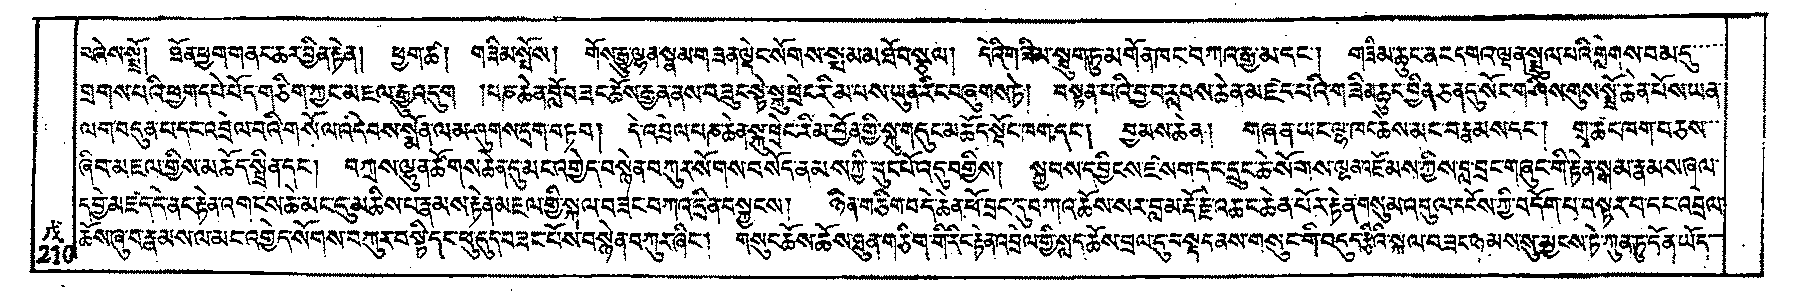བཞེས་སྤྲོ། ཐོན་ཕྱག་གནང་ཆར་བྱིན་རྟེན། ཕྱག་ཚ། གཟིམ་སྤོས། གོས་རྒྱུ་ལྷན་སྣམ་གཟན་ལྡེང་སོགས་སྤམ་མཐོ་བ་སྩལ། དེའི་གཟིམ་སྦུག་ཏུ་མགོན་ཁང་བཀའ་རྒྱ་མ་དང་། གཟིམ་ཆུང་ནང་དགའ་ལྡན་སྤྲུལ་པའི་གླེགས་བམ་དུ་
གྲགས་པའི་ཕྱག་དཔེ་པོད་གཅིག་ཀྱང་མཇལ་རྒྱུ་འདུག །པཎ་ཆེན་བློ་བཟང་ཆོས་རྒྱན་ནས་བཟུང་སྟེ་སྐུ་ཕྲེང་རིམ་པས་ཡུན་རིང་བཞུགས་ཏེ། བསྟན་པའི་བྱ་བ་རླབས་ཆེན་མཛད་པའི་གཟིམ་ཆུང་བྱིན་ཅན་དུ་སོང་གཤིས་གུས་སྤྲོ་ཆེན་པོས་ཡན་
ལག་བདུན་པ་དང་འབྲེལ་བའི་གསོལ་འདེབས་སྨོན་ལམ་ཤུགས་དྲག་བཏབ། དེ་འབྲེལ་པཎ་ཆེན་སྐུ་ཕྲེང་རིམ་བྱོན་གྱི་སྐུ་གདུང་མཆོད་སྡོང་ཁག་དང་། བྱམས་ཆེན། གཞན་ཡང་ལྷ་ཁང་ཆེས་མང་བ་རྣམས་དང་། གྲྭ་ཚང་ཁག་བཅས་
ཞིབ་མཇལ་གྱིས་མཆོད་སྤྲིན་དང་། བཀྲས་ལྷུན་ཚོགས་ཆེན་དུ་མང་འགྱེད་བསྙེན་བཀུར་སོགས་བསོད་ནམས་ཀྱི་ཕུང་པོ་འདུ་བགྱིས། སྐྱབས་དབྱིངས་ཛ་སག་དང་དྲུང་ཆེ་སོགས་ལྷན་འཛོམས་ཀྱིས་བླ་བྲང་གཞུང་གི་རྟེན་སྒམ་རྣམས་ཞལ་
དབྱེ་མཛད་དེ་ནང་རྟེན་འགངས་ཆེ་མང་དུ་མཆིས་པ་རྣམས་རྟེན་མཇལ་གྱི་སྐལ་བཟང་བཀའ་དྲིན་བསྐྱངས། ཉིན་གཅིག་བདེ་ཆེན་ཕོ་བྲང་དུ་བཀའ་ཆོས་སར་བླ་མ་རྡོ་རྗེ་འཆང་ཆེན་པོར་རྟེན་གསུམ་འབུལ་དངོས་ཀྱི་བདོག་པ་བསྟར་བ་དང་འབྲེལ་
ཆོས་ཞུ་བ་རྣམས་ལ་མང་འགྱེད་སོགས་བཀུར་བསྟི་དང་ཕུ་དུད་བཟང་པོས་བསྙེན་བཀུར་ཞིང་། གསུང་ཆོས་ཆོས་ཐུན་གཅིག་གི་རིང་རྟེན་འབྲེལ་གྱི་སླད་ཆོས་གྲལ་དུ་བསྡད་ནས་གསུང་གི་བདུད་རྩིའི་སྐལ་བཟང་ཉམས་སུ་མྱངས་ཏེ་ཀུན་ཏུ་དོན་ཡོད་